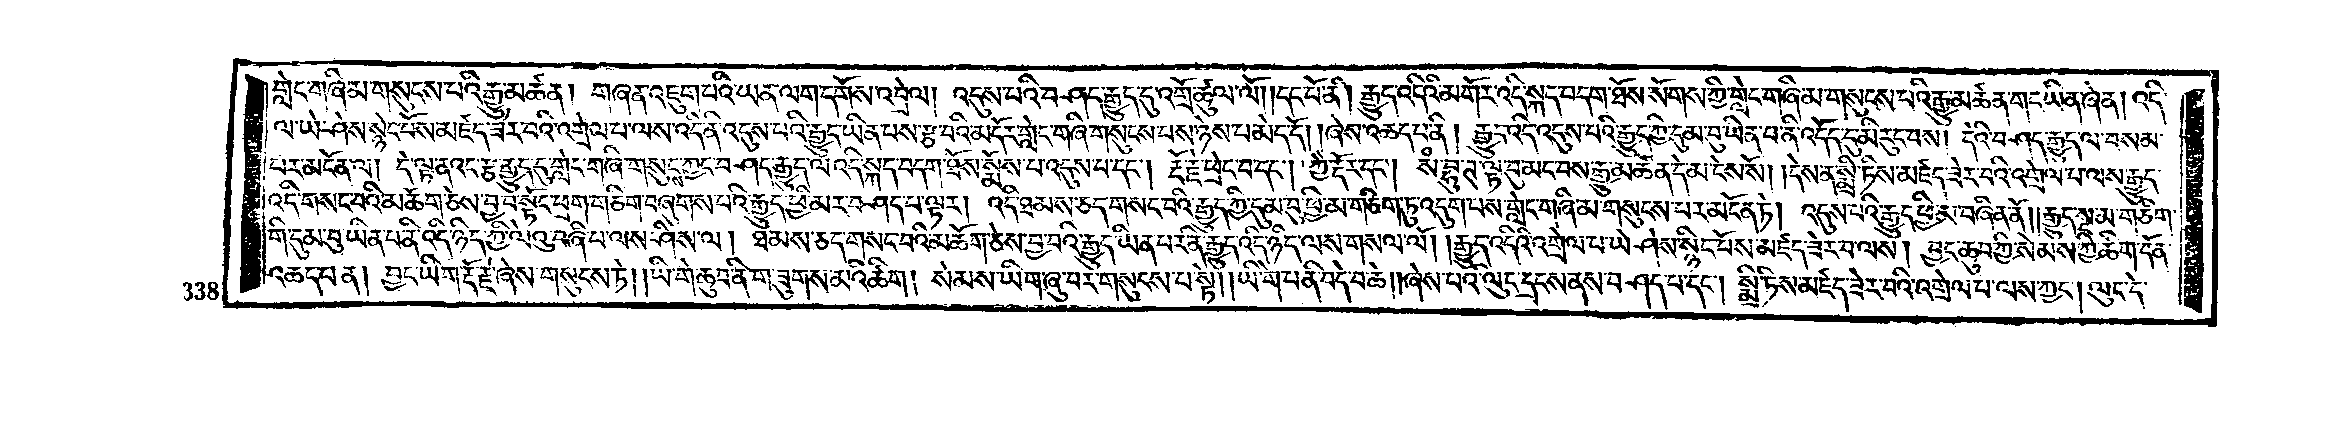གླེང་གཞི་མ་གསུངས་པའི་རྒྱུ་མཚན། གཞན་འཇུག་པའི་ཡན་ལག་དགོས་འབྲེལ། འདུས་པའི་བཤད་རྒྱུད་དུ་འགྲོ་ཚུལ་ལོ། །དང་པོ་ནི། རྒྱུད་འདིའི་མགོར་འདི་སྐད་བདག་ཐོས་སོགས་ཀྱི་གླེང་གཞི་མ་གསུངས་པའི་རྒྱུ་མཚན་གང་ཡིན་ཞེ་ན། འདི་
ལ་ཡེ་ཤེས་སྙིང་པོས་མཛད་ཟེར་བའི་འགྲེལ་པ་ལས་འདི་ནི་འདུས་པའི་རྒྱུད་ཡིན་པས་རྩ་བའི་མདོར་གླེང་གཞི་གསུངས་པས་ཉེས་པ་མེད་དོ། །ཞེས་འཆད་པ་ནི། རྒྱུད་འདི་འདུས་པའི་རྒྱུད་ཀྱི་དུམ་བུ་ཡིན་པ་ནི་འདོད་དུ་མི་རུང་བས། དེའི་བཤད་རྒྱུད་ལ་བསམ་
པར་མངོན་ལ། དེ་ལྟ་ནའང་རྩ་རྒྱུད་དུ་གླེང་གཞི་གསུངས་ཀྱང་བཤད་རྒྱུད་ལ་འདི་སྐད་བདག་ཐོས་སྨོས་པ་འདུས་པ་དང་། རྡོ་རྗེ་ཕྲེང་བ་དང་། ཀྱཻ་རྡོར་དང་། སཾ་བཧུ་ཊ་ལྟ་བུ་མང་བས་རྒྱུ་མཚན་དེ་མ་ངེས་སོ། །དེས་ན་སྨྲི་ཏིས་མཛད་ཟེར་བའི་འགྲེལ་པ་ལས་རྒྱུད་
འདི་གསང་བའི་མཆོག་ཅེས་བྱ་བ་སྟོང་ཕྲག་གཅིག་བཞུགས་པའི་རྒྱུད་ཕྱི་མར་བཤད་པ་ལྟར། འདི་ཐམས་ཅད་གསང་བའི་རྒྱུད་ཀྱི་དུམ་བུ་ཕྱི་མ་གཅིག་ཏུ་འདུག་པས་གླེང་གཞི་མ་གསུངས་པར་མངོན་ཏེ། འདུས་པའི་རྒྱུད་ཕྱི་མ་བཞིན་ནོ། །རྒྱུད་སྔ་མ་གཅིག་
གི་དུམ་བུ་ཡིན་པ་ནི་འདི་ཉིད་ཀྱི་ལེའུ་བཞི་པ་ལས་ཤེས་ལ། ཐམས་ཅད་གསང་བའི་མཆོག་ཅེས་བྱ་བའི་རྒྱུད་ཡིན་པར་ནི་རྒྱུད་འདི་ཉིད་ལས་གསལ་ལོ། །རྒྱུད་འདིའི་འགྲེལ་པ་ཡེ་ཤེས་སྙིང་པོས་མཛད་ཟེར་བ་ལས། བྱང་ཆུབ་ཀྱི་སེམས་ཀྱི་ཚིག་དོན་
འཆད་པ་ན། བྱང་ཡིག་རྡོ་རྗེ་ཞེས་གསུངས་ཏེ། །ཡི་གེ་ཆུབ་ནི་གཟུགས་མའི་ཚིག །སེམས་ཡིག་ཞུ་བར་གསུངས་པ་སྟེ། །ཡི་གེ་པ་ནི་བདེ་བ་ཆེ། །ཞེས་པའི་ལུང་དྲངས་ནས་བཤད་པ་དང་། སྨྲི་ཏིས་མཛད་ཟེར་བའི་འགྲེལ་པ་ལས་ཀྱང་། ལུང་དེ་